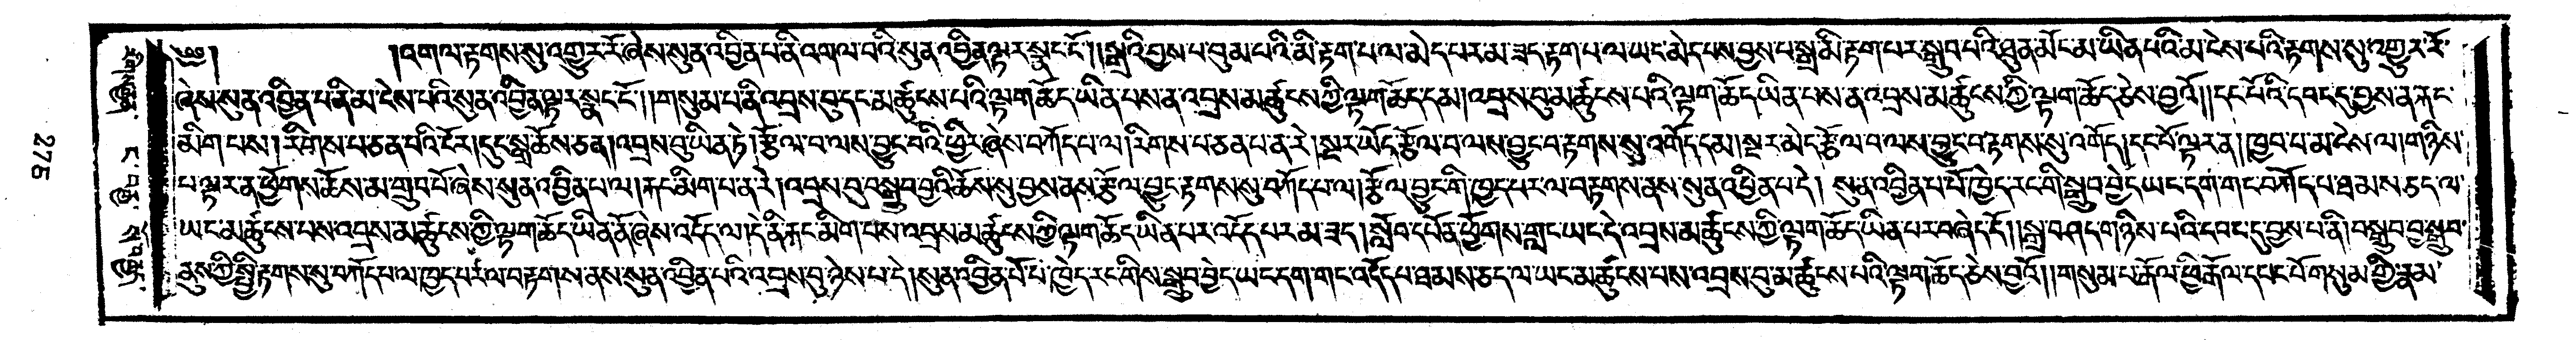༄༅། །འགལ་རྟགས་སུ་འགྱུར་རོ་ཞེས་སུན་འབྱིན་པ་ནི་འགལ་བའི་སུན་འབྱིན་ལྟར་སྣང་ངོ། །སྒྲའི་བྱས་པ་བུམ་པའི་མི་རྟག་པ་ལ་མེད་པར་མ་ཟད་རྟག་པ་ལ་ཡང་མེད་པས་བྱས་པ་སྒྲ་མི་རྟག་པར་སྒྲུབ་པའི་ཐུན་མོང་མ་ཡིན་པའི་མ་ངེས་པའི་རྟགས་སུ་འགྱུར་རོ་
ཞེས་སུན་འབྱིན་པ་ནི་མ་ངེས་པའི་སུན་འབྱིན་ལྟར་སྣང་ངོ། །གསུམ་པ་ནི་འབྲས་བུ་དང་མཚུངས་པའི་ལྟག་ཆོད་ཡིན་པས་ན་འབྲས་མཚུངས་ཀྱི་ལྟག་ཆོད་དམ། འབྲས་བུ་མཚུངས་པའི་ལྟག་ཆོད་ཡིན་པས་ན་འབྲས་མཚུངས་ཀྱི་ལྟག་ཆོད་ཅེས་བྱའོ། །དང་པོའི་དབང་དུ་བྱས་ན་རྐང་
མིག་པས། རིགས་པ་ཅན་པའི་ངོར། དུང་སྒྲ་ཆོས་ཅན། འབྲས་བུ་ཡིན་ཏེ། རྩོལ་བ་ལས་བྱུང་བའི་ཕྱིར་ཞེས་བཀོད་པ་ལ། རིགས་པ་ཅན་པ་ན་རེ། སྔར་ཡོད་རྩོལ་བ་ལས་བྱུང་བ་རྟགས་སུ་འགོད་དམ། སྔར་མེད་རྩོལ་བ་ལས་བྱུང་བ་རྟགས་སུ་འགོད། དང་པོ་ལྟར་ན། ཁྱབ་པ་མ་ངེས་ལ། གཉིས་
པ་ལྟར་ན་ཕྱོགས་ཆོས་མ་གྲུབ་པོ་ཞེས་སུན་འབྱིན་པ་ལ། རྐང་མིག་པ་ན་རེ། འབྲས་བུ་བསྒྲུབ་བྱའི་ཆོས་སུ་བྱས་ནས་རྩོལ་བྱུང་རྟགས་སུ་བཀོད་པ་ལ། རྩོལ་བྱུང་གི་ཁྱད་པར་ལ་བརྟགས་ནས་སུན་འབྱིན་པ་དེ། སུན་འབྱིན་པ་པོ་ཁྱེད་རང་གི་སྒྲུབ་བྱེད་ཡང་དག་གང་བཀོད་པ་ཐམས་ཅད་ལ་
ཡང་མཚུངས་པས་འབྲས་མཚུངས་ཀྱི་ལྟག་ཆོད་ཡིན་ནོ་ཞེས་འདོད་ལ། དེ་ནི་རྐང་མིག་པས་འབྲས་མཚུངས་ཀྱི་ལྟག་ཆོད་ཡིན་པར་འདོད་པར་མ་ཟད། སློབ་དཔོན་ཕྱོགས་གླང་ཡང་དེ་འབྲས་མཚུངས་ཀྱི་ལྟག་ཆོད་ཡིན་པར་བཞེད་དོ། །སྒྲ་བཤད་གཉིས་པའི་དབང་དུ་བྱས་པ་ནི། བསྒྲུབ་བྱ་སྒྲུབ་
ནུས་ཀྱི་སྤྱི་རྟགས་སུ་བཀོད་པ་ལ་ཁྱད་པར་ལ་བརྟགས་ནས་སུན་འབྱིན་པའི་འབྲས་བུ་ཉེས་པ་དེ། སུན་འབྱིན་པ་པ་ཁྱེད་རང་གིས་སྒྲུབ་བྱེད་ཡང་དག་གང་འདོད་པ་ཐམས་ཅད་ལ་ཡང་མཚུངས་པས་འབྲས་བུ་མཚུངས་པའི་ལྟག་ཆོད་ཅེས་བྱའོ། །གསུམ་པ་རྒོལ་ཕྱི་རྒོལ་དབང་པོ་གསུམ་གྱི་རྣམ་